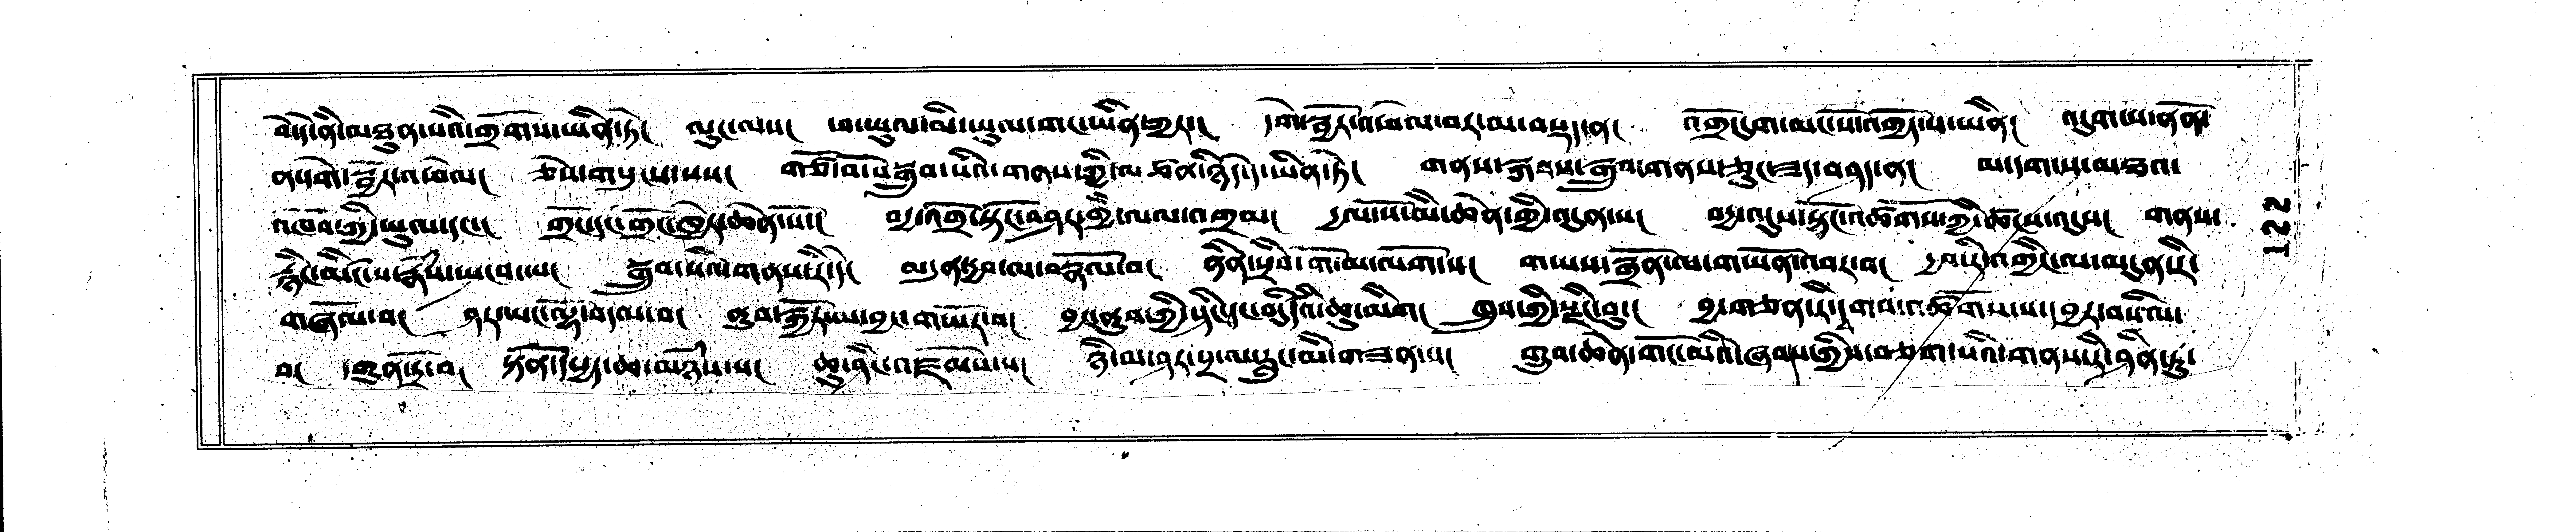བ་དེ་ནི་མཐུན་པའི་གྲོགས་ཡིན་ཏེ། ལུང་ལས། ཕ་ཡུལ་མི་ཡུལ་གང་ཡིན་ཀྱང་། །དགེ་སྦྱོར་འཕེལ་བར་མ་བསྡད་ན། །འགྲོ་འདུག་མང་པོ་འགྱོད་པ་ཡིན། །འདུག་ས་ནོན་
ན་དགེ་སྦྱོར་འཕེལ། །ཅེས་གསུངས་པས་གཙོ་བོ་སྒྲུབ་པའི་གནས་ཀྱི་མཚན་ཉིད་དེ་ཡིན་ཏེ། གནས་སྐབས་སྒྲུབ་གནས་ཅུང་ཟད་བཤད་ན། མ་དག་པ་མཐའ་
འཁོབ་ཀྱི་ཡུལ་དང་། གྲོང་དང་གྲོང་ཁྱེར་ཆེན་པོ། བརྒྱ་འགྲོ་སྟོང་བཤར་གྱི་ལམ་འགྲམ། རྒྱལ་པོ་མི་ཆེན་གྱི་འདུན་ས། བརྒྱ་འདུས་སྟོང་ཚོགས་ཀྱི་ཚོང་འདུས། གནས་
རྙིང་མི་གཙང་བ་རྣམས་སྤངས་ལ། སྒྲུབ་པའི་གནས་རི་དེ། མདུན་རྒྱབ་མ་བསྣོལ་བ། ཉིན་སྲིབ་གོ་མ་ལོག་པ། གཡས་སྒྲོན་ལ་གཡོན་འཕར་བ། རྒྱབ་རི་འགྱིང་ལ་མདུན་རི་
གཞོལ་བ། ཤར་དང་ལྷོ་བདལ་བ། ནུབ་སྐྱོར་བ། བྱང་གཡོར་བ། བྱང་ནུབ་ཀྱི་ཤིང་དང་བདུད་རྩི་ཆུ་མིག ཁྲུས་ཀྱི་རྫིང་བུ། བྱ་གཅན་རི་དྭགས་འཚོགས་པ་དབྱར་བསིལ་
བ། དགུན་དྲོ་བ། སྟོན་དཔྱད་ཆ་མཉམ་པ། ཆུ་ཤིང་འཛོམས་པ། ཉི་མ་ཤར་སྔ་ལ་རླུང་མི་གཟན་པ། གྲུབ་ཆེན་གོང་མའི་ཞབས་ཀྱིས་བཅག་པའི་གནས་རི་ཤིན་ཏུ་